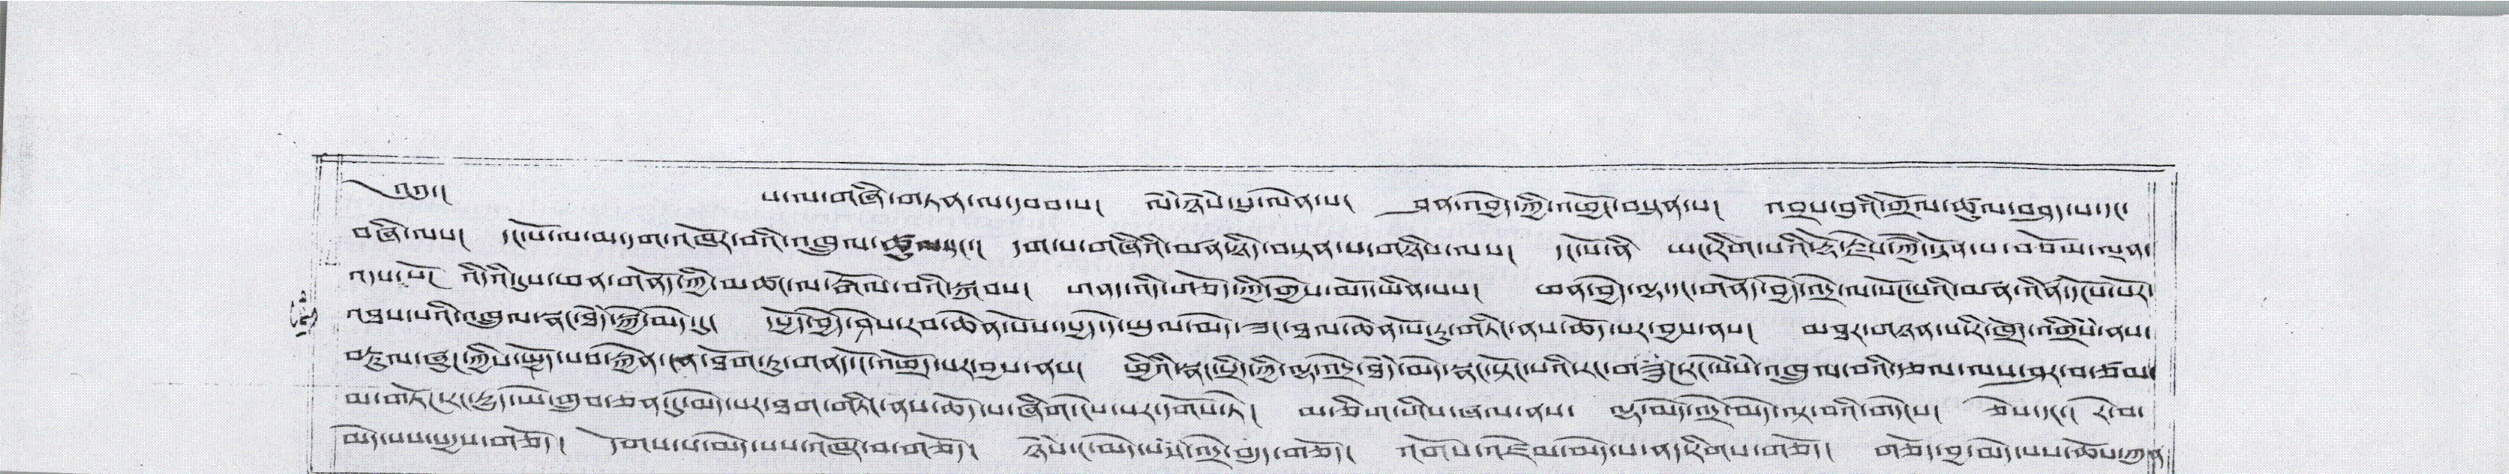པ་ལ་གཞི་གཏན་ལ་དབབ་པ། ལམ་ཉམས་སུ་ལེན་པ། ཤན་འབྱེད་ཀྱི་འཕྱོང་བསྟན་པ། འབྲས་བུའི་གྲོལ་ཚུལ་བཤད་པ་དང་
བཞི་ལས། དང་པོ་ལ་མ་དག་འཁོར་བའི་འཁྲུལ་ཚུལ་དང་། དག་པ་གཞིའི་མཚན་ཉིད་བསྟན་པ་གཉིས་ལས། དང་པོ་ནི། ཡང་རིག་པའི་རྡོ་རྗེས་ཀྱི་སྟོན་པ་བཅོམ་ལྡན་
འདས་སོ། འདིའི་དུས་ཕན་གནོད་ཀྱི་འཚང་ལ་རྒོལ་བའི་སྐབས། གནད་འདི་གཅོད་ཀྱི་གྱེས་མདོ་ཡིན་པས། ཕན་བྱེད་ལྷ་དང་གནོད་བྱེད་འདྲེ་ལ་སོགས་པའི་མཚན་ཉིད་དངོས་པོར་
འཐས་པའི་འཁྲུལ་སྣང་ཐམས་ཅད་སྐྱེ་མེད་དུ། དཔྱོད་བྱེད་ཤེས་རབ་ཆེན་པོས་དཔྱད་དེ། ཡུལ་མེད་ཟང་ཐལ་ཆེན་པོ་རུ་གཏིང་ནས་ཆོད་པར་བྱས་ནས་མཐར་གཉན་ས་རི་ཁྲོད་འགྲིམས་ནས་
རྟུལ་ཞུགས་ཀྱི་སྤྱོད་པས་རྐྱེན་ངན་ཐོག་ཏུ་གནད་ངོ་འཕྲོད་པར་བྱས་ནས། ཕྱིའི་སྣང་སྲིད་ཀྱི་ལྷ་འདྲེ་ཐམས་ཅད་མེད་སྣང་སྟོང་པའི་རང་གཟུགས་རང་སེམས་འཁྲུལ་པའི་རྩལ་ལས་ཤར་བ་ཙམ་
མ་གཏོགས་རང་རྒྱུད་ཡེ་གྲུབ་ཅན་དུ་མེད་པར་ཐག་གཏིང་ནས་ཆོད་པ་ཞིག་ངེས་པར་དགོས་ཏེ། མ་ཅིག་གི་ཞལ་ནས། ལྷ་མེད་འདྲེ་མེད་ལྟ་བའི་གདེངས། ཞེས་དང་། རེ་བ་
མེད་པས་སངས་རྒྱས་གཅོད། དྭོགས་པ་མེད་པས་འཁོར་བ་གཅོད། ཉམས་ང་མེད་པས་འདྲེ་བདུད་གཅོད། འགོས་འཛེམས་མེད་པས་ནད་རིགས་གཅོད། གཅོད་བྱ་མེད་པས་ཆོས་ཀུན་